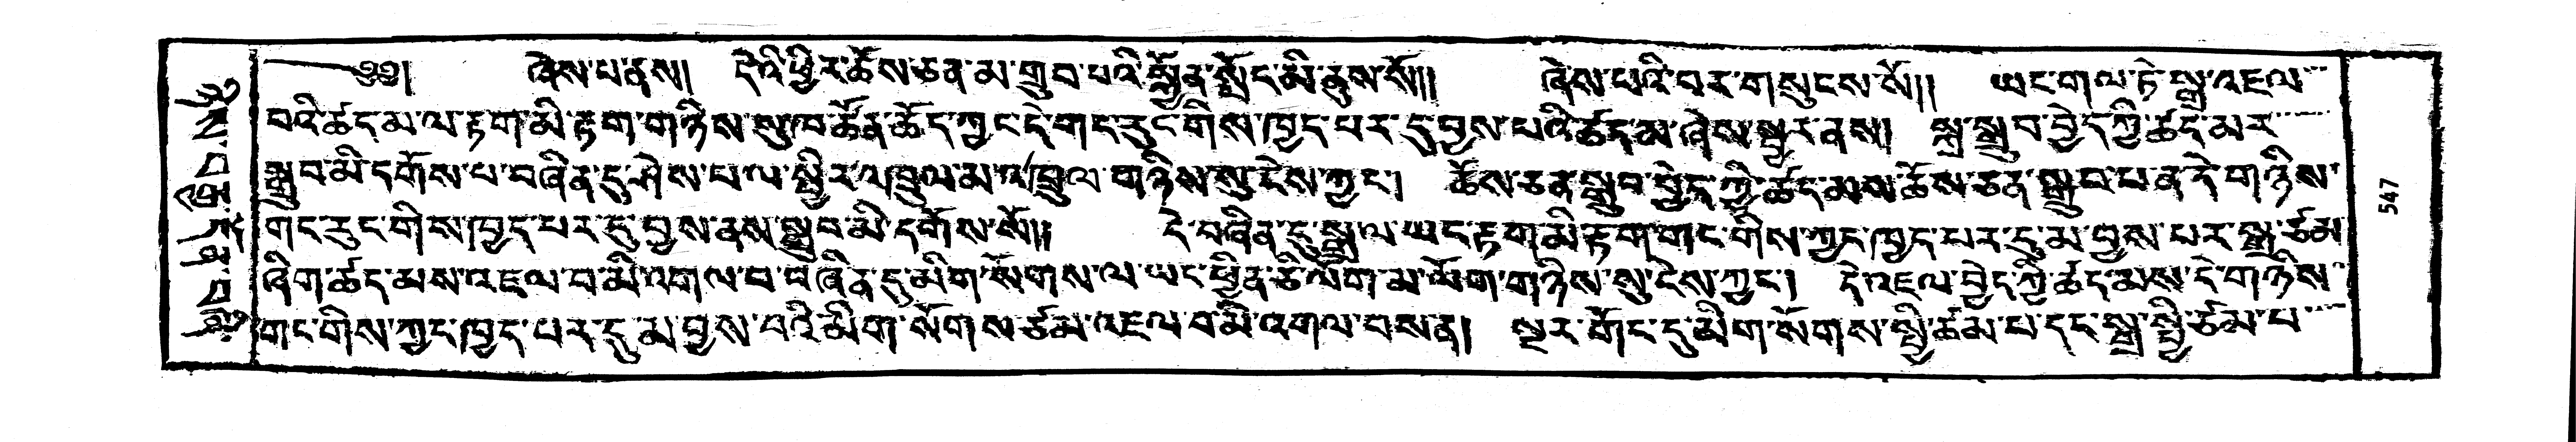༄༅། །ཞེས་པ་ནས། དེའི་ཕྱིར་ཆོས་ཅན་མ་གྲུབ་པའི་སྐྱོན་སྤོང་མི་ནུས་སོ། །ཞེས་པའི་བར་གསུངས་སོ། །ཡང་གལ་ཏེ་སྒྲ་འཇལ་
བའི་ཚད་མ་ལ་རྟག་མི་རྟག་གཉིས་སུ་ཁ་ཚོན་ཆོད་ཀྱང་དེ་གང་རུང་གིས་ཁྱད་པར་དུ་བྱས་པའི་ཚད་མ་ཞེས་སྦྱར་ནས། སྐྲ་སྒྲུབ་བྱེད་ཀྱི་ཚད་མར་
སྒྲུབ་མི་དགོས་པ་བཞིན་དུ་ཤེས་པ་ལ་སྤྱིར་འཁྲུལ་མ་འཁྲུལ་གཉིས་སུ་ངེས་ཀྱང་། ཆོས་ཅན་སྒྲུབ་བྱེད་ཀྱི་ཚད་མས་ཆོས་ཅན་སྒྲུབ་པ་ན་དེ་གཉིས་
གང་རུང་གིས་ཁྱད་པར་དུ་བྱས་ནས་སྒྲུབ་མི་དགོས་སོ། །དེ་བཞིན་དུ་སྒྲ་ལ་ཡང་རྟག་མི་རྟག་གང་གིས་ཀྱང་ཁྱད་པར་དུ་མ་བྱས་པར་སྒྲ་ཙམ་
ཞིག་ཚད་མས་འཇལ་བ་མི་འགལ་བ་བཞིན་དུ་མིག་སོགས་ལ་ཡང་ཕྱིན་ཅི་ལོག་མ་ལོག་གཉིས་སུ་ངེས་ཀྱང་། དེ་འཇལ་བྱེད་ཀྱི་ཚད་མས་དེ་གཉིས་
གང་གིས་ཀྱང་ཁྱད་པར་དུ་མ་བྱས་པའི་མིག་སོགས་ཙམ་འཇལ་བ་མི་འགལ་བས་ན། སྔར་གོང་དུ་མིག་སོགས་སྤྱི་ཚམ་པ་དང་སྒྲ་སྤྱི་ཙམ་པ་